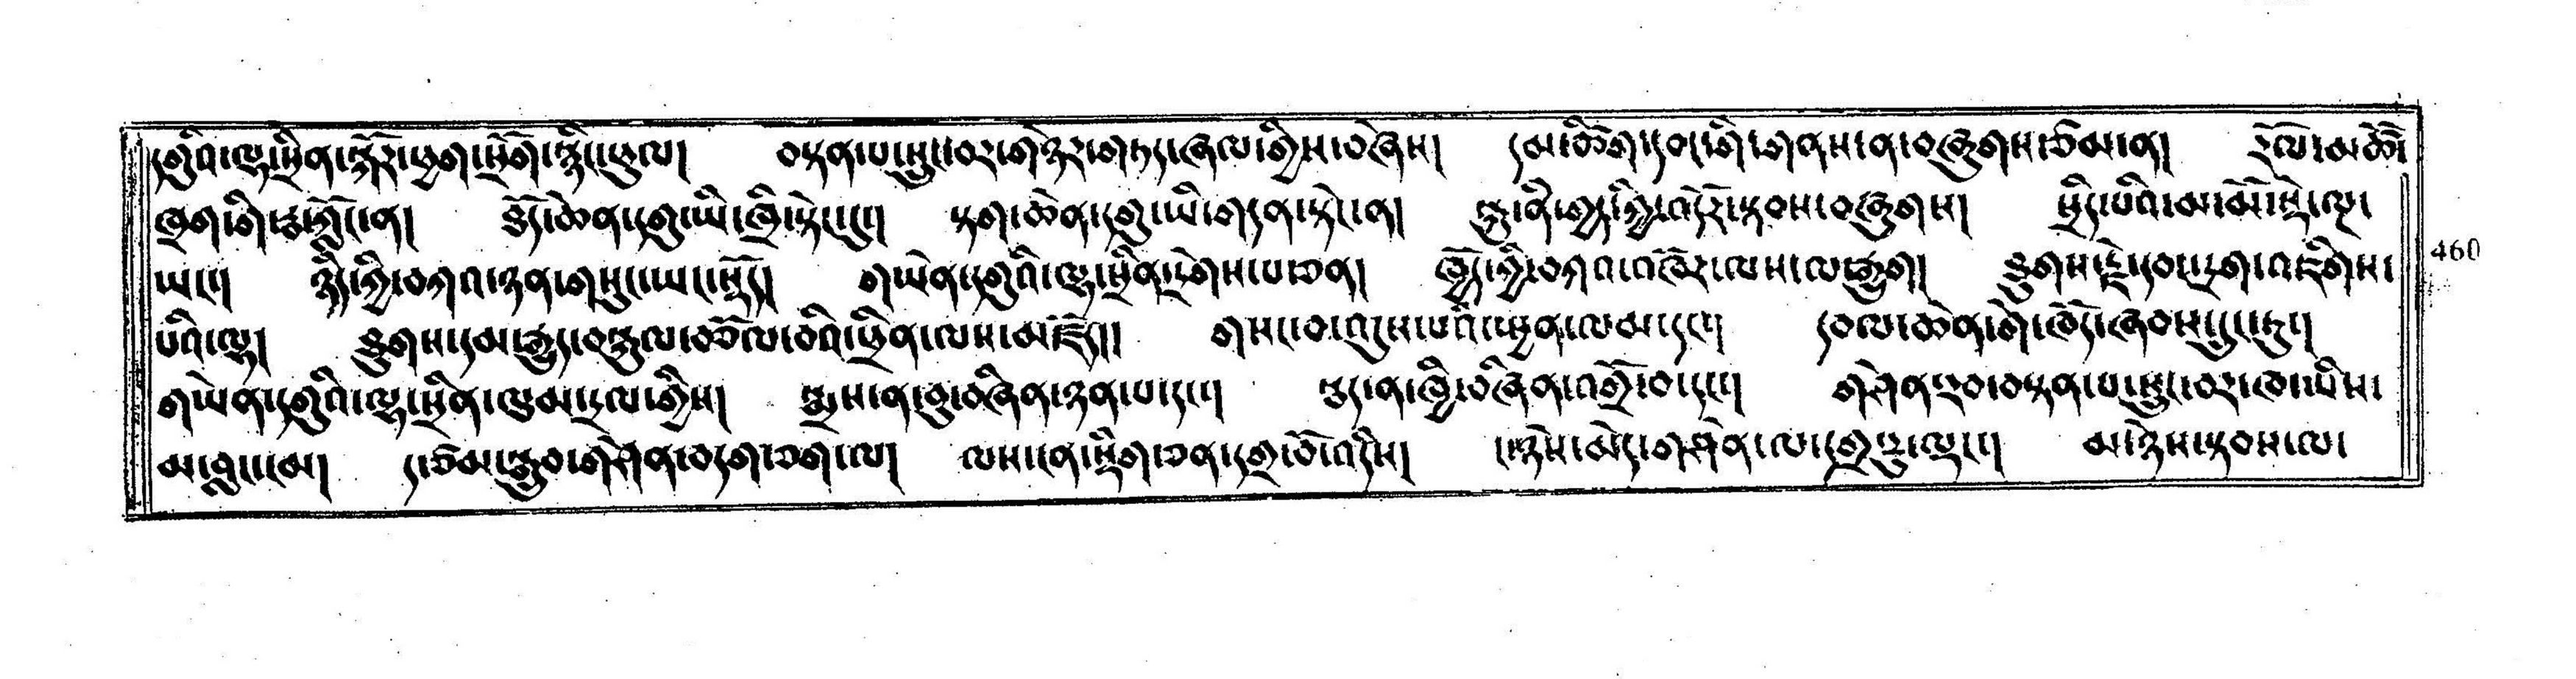དགུའི་ལྷ་སྲིན་སྐོར་ཕྱག་སྲོག་སྙིང་ཕུལ། བསྟན་པ་སྲུང་བར་གཉེར་གཏད་ཞལ་གྱིས་བཞེས། དམ་ཚིག་དབང་གི་གནས་ན་བཞུགས་ཙམ་ན། རོལ་མཚོ་
ཁྲག་གི་རྦ་ཀློང་ན། ཐོད་ཆེན་དགུ་ཡི་ཁྲི་སྟེང་དུ། སྟག་ཆེན་དགུ་ཡི་གདན་སྟེང་ན། སྐུ་ནི་གྱད་ཀྱི་འདོར་སྟབས་བཞུགས། སྲིད་པའི་མ་མོ་སྡེ་ལྔ་
ཡང་། ཉིད་ཀྱི་བཀའ་ཉན་གསུང་ཡང་སྡོད། གཡེན་དགུའི་ལྷ་སྲིན་དྲེགས་པ་ཅན། ཁྱོད་ཀྱི་བཀའ་འཁོར་ལས་ལ་རྒྱུག ཐུགས་རྗེ་དབང་དྲག་འཇིགས་
པའི་ལྷ། ཐུགས་དམ་རྒྱུད་བསྐུལ་བཅོལ་བའི་ཕྲིན་ལས་མཛོད།། གསང་བ་འདུས་པའི་སྤྱན་ལམ་དང་། དབལ་ཆེན་གེ་ཁོད་ཞབས་དྲུང་དུ། 
གཡེན་དགུའི་ལྷ་སྲིན་ལྕམ་དྲལ་གྱིས། སྨྲས་ན་བུ་བཞིན་ཉན་པ་{474}དང་། སྦད་ན་ཁྱི་བཞིན་འགྲོ་བ་དང་། གཤེན་རབ་བསྟན་པ་སྲུང་བར་ཁ་ཡིས་
མ་བླང་ངམ། ད་ཙམ་སྒྲུབ་གཤེན་བདག་ཅག་ལ། ལས་ངན་སྡིག་ཅན་དགྲ་བོ་འདིས། ང་ཉེས་མེད་གཤེན་ལ་དགྲ་རུ་ལྡང་། མ་ཉེས་སྟབས་ལ་